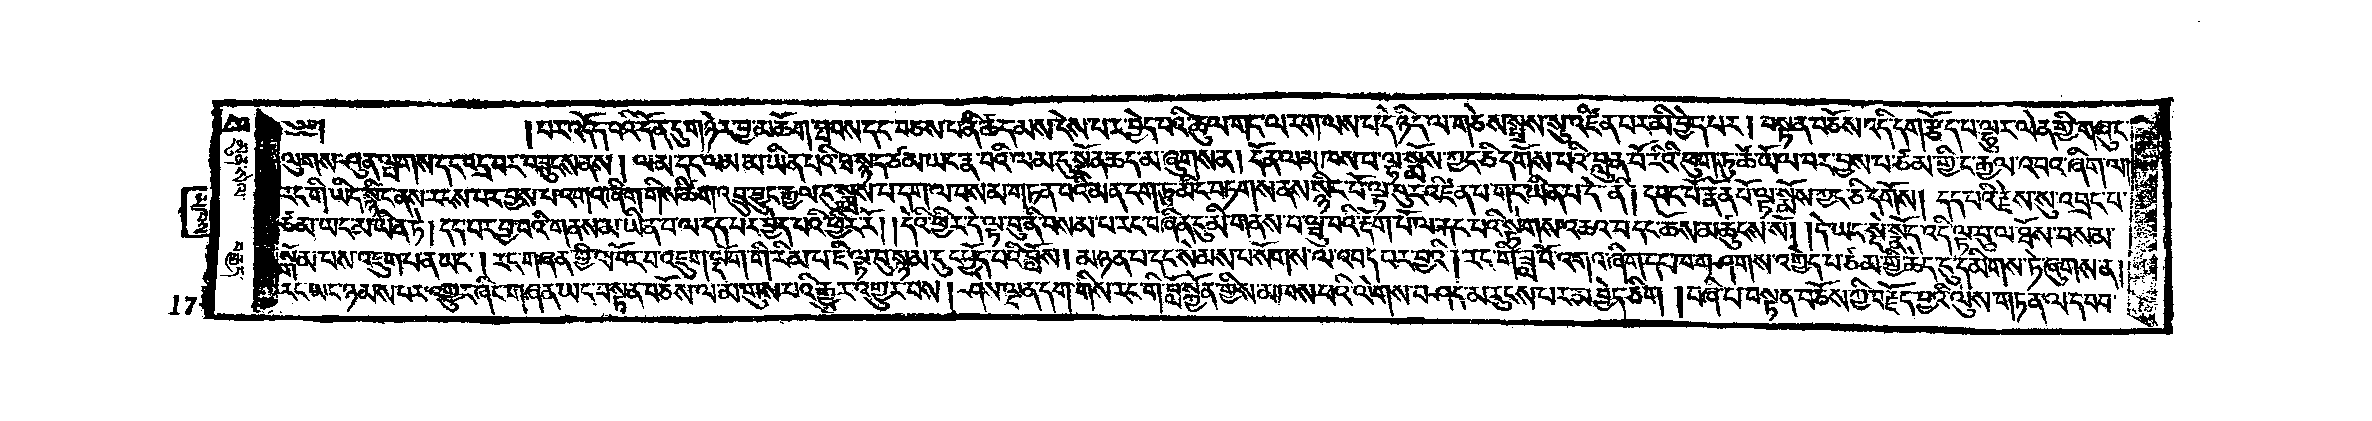༄༅། །པར་འདོད་པའི་དོན་དུ་གཉེར་བྱ་མཆོག་ཐབས་དང་བཅས་པ་ནི་ཚད་མས་ངེས་པར་བྱེད་པའི་ཚུལ་གང་ལ་རག་ལས་པ་དེ་ཉིད་ལ་གཅེས་སྤྲས་སུ་འཛིན་པར་མི་བྱེད་པར། བསྟན་བཅོས་འདི་དག་རྩོད་པ་ལྷུར་ལེན་གྱི་གཞུང་
ལུགས་ཤུན་ལྤགས་དང་འདྲ་བར་བཟུངས་ནས། ལམ་དང་ལམ་མ་ཡིན་པའི་ཐ་སྙད་ཙམ་ཡང་རྣ་བའི་ལམ་དུ་སྔོན་ཆད་མ་ཞུགས་ན། དོན་ལ་མཁས་པ་ལྟ་སྨོས་ཀྱང་ཅི་དགོས་པའི་བླུན་པོ་རིའི་ཕུག་ཏུ་ཚེ་ཡོལ་བར་བྱས་པ་ཙམ་གྱི་ང་རྒྱལ་འབའ་ཞིག་ལ།
རང་གི་ཡིད་སྙིང་ནས་རངས་པར་བྱས་པ་འགའ་ཞིག་གིས་ཚིག་འབྲུ་བྱུང་རྒྱལ་དུ་སྨྲས་པ་དག་ལ་བསམ་གཏན་པའི་མན་ངག་ཏུ་མིང་བཏགས་ནས་སྙིང་པོ་ལྟ་བུར་འཛིན་པ་གང་ཡིན་པ་དེ་ནི། དབང་པོ་རྣོན་པོ་ལྟ་སྨོས་ཀྱང་ཅི་དགོས། དད་པའི་རྗེས་སུ་འབྲང་པ་
ཙམ་ཡང་མ་ཡིན་ཏེ། དད་པར་བྱ་བའི་གནས་མ་ཡིན་པ་ལ་དད་པར་བྱེད་པའི་ཕྱིར་རོ། །དེའི་ཕྱིར་དེ་ལྟ་བུ་ནི་བསམ་པ་རང་བཞིན་དུ་མི་གནས་པ་ལྦུ་བའི་རྡོག་པོ་ལ་རྐང་པའི་སྟེགས་འཆའ་བ་དང་ཆོས་མཚུངས་སོ། །དེ་ཡང་སྡེ་སྣོད་འདི་ལྟ་བུ་ལ་ཐོས་བསམ་
སྒོམ་པས་འཇུག་པ་ན་ཡང་། རང་གཞན་གྱི་འཁོར་བ་འཇུག་ལྡོག་གི་རིམ་པ་ཇི་ལྟ་བུ་སྙམ་དུ་དཔྱོད་པའི་བློས། མཉན་པ་དང་སེམས་པ་སོགས་ལ་འབད་པར་བྱའི། རང་གི་ཟླ་བོ་འགའ་ཞིག་དང་ཁ་གཤགས་འགྱེད་པ་ཙམ་གྱི་ཆེད་དུ་དམིགས་ཏེ་ཞུགས་ན།
རང་ཡང་ཉམས་པར་འགྱུར་ཞིང་གཞན་ཡང་བསྟན་བཅོས་ལ་མ་གུས་པའི་རྒྱུར་འགྱུར་པས། ཤེས་ལྡན་དག་གིས་རང་གི་བློ་སྐྱོན་གྱིས་མཁས་པའི་ལེགས་བཤད་མ་རུངས་པར་མ་བྱེད་ཅིག །བཞི་པ་བསྟན་བཅོས་ཀྱི་བརྗོད་བྱའི་ལུས་གཏན་ལ་དབབ་